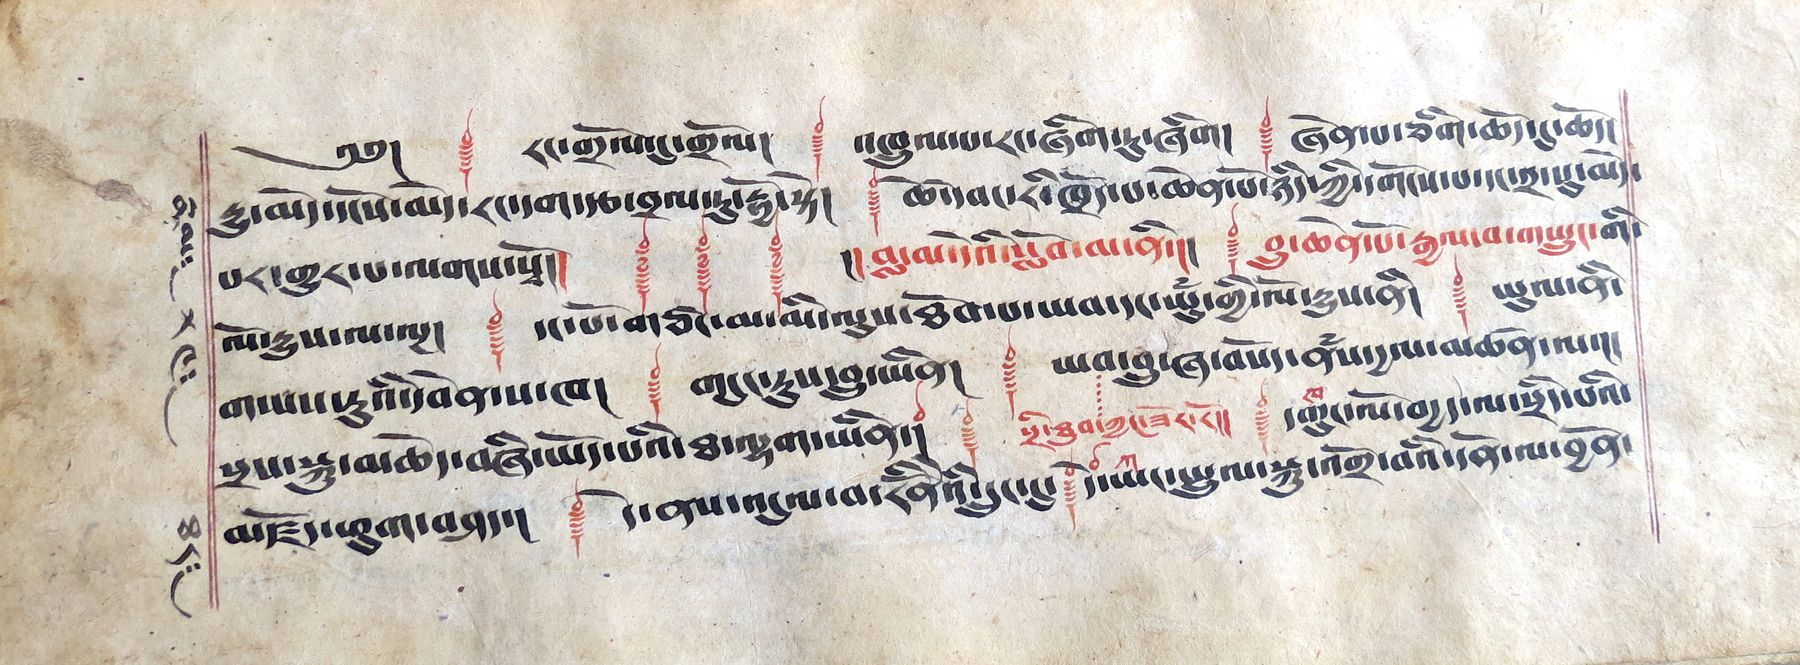རང་གྲོལ་དུ་གྲོལ། འཁྲུལ་པ་རང་ཞིག་ཏུ་ཞིག ཞེན་པ་གཅིག་ཆོད་དུ་ཆོད། 
རྒྱུ་མེད་དངོས་མེད་རང་དག་རྩ་བྲལ་དུ་རྟོགས་ཏེ། ཚེ་དབང་རི་ཁྲོད་པ་ཆེན་པོ་ཉིད་ཀྱི་དགོངས་པ་དང་གཉིས་སུ་མེད་
པར་གྱུར་པ་ལགས་སོ། ། བླ་མ་དེའི་སློབ་མ་ནི། བྲུ་ཆེན་པོ་རྒྱལ་བ་གཡུང་དྲུང་གི་
ལོ་རྒྱུས་ལ་ལྔ་སྟེ། དང་པོ་གཙང་མ་མི་ལུས་ཐོབ་པ་ཡབ་དང་ཡུམ་གྱི་ལོ་རྒྱུས་ནི། ཡུལ་ནི་
གཡས་རུའི་དབེན་ས་ཁ། གདུང་རུས་བྲུ་ཡིན། ཡབ་བྲུ་ཞ་བསོད་ནམས་རྒྱལ་མཚན་ལ། 
སྲས་སྐུ་མཆེད་བཞི་ཡོད་པའི་ཐ་ལྟག་ཡིན། དེ་ཡང་སྤྲུལ་སྐུ་འགྲོ་བའི་དོན་ལ་བྱོན་